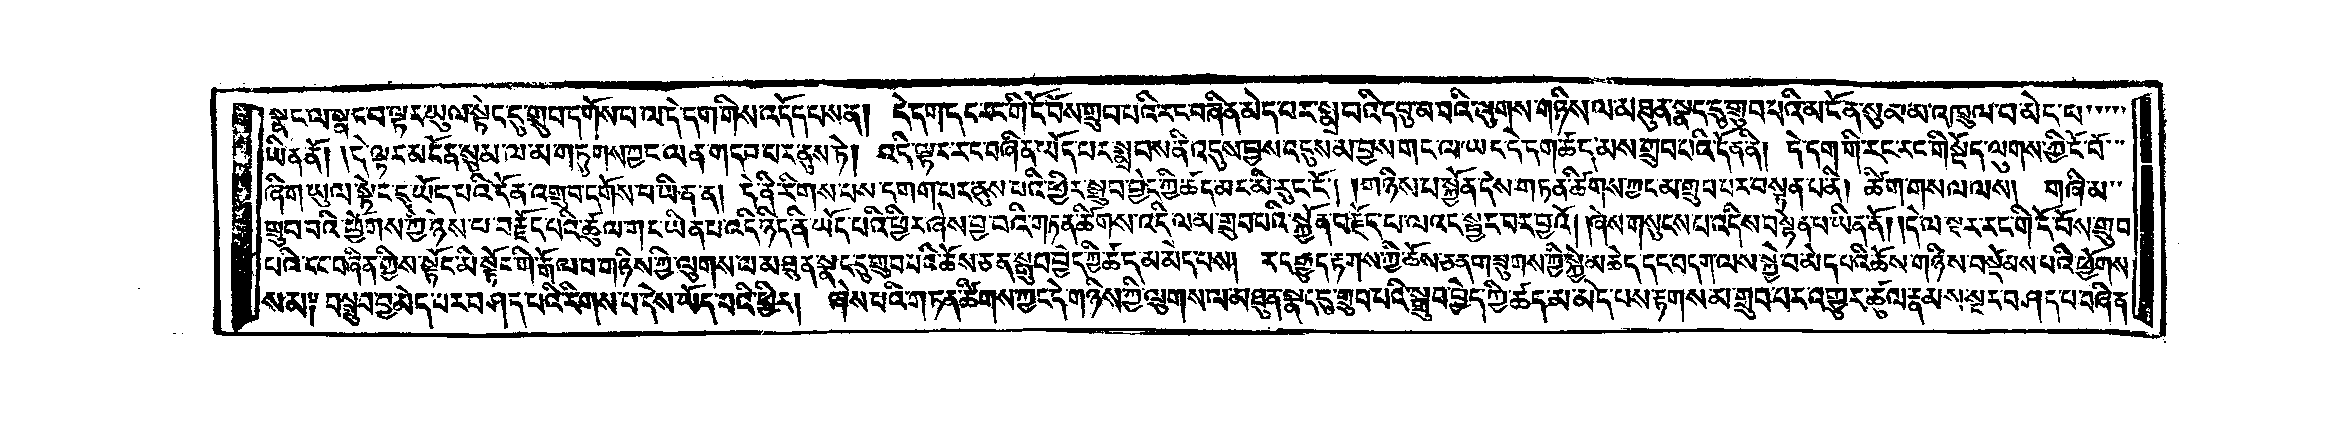སྣང་ལ་སྣང་བ་ལྟར་ཡུལ་སྟེང་དུ་གྲུབ་དགོས་པ་ལ་དེ་དག་གིས་འདོད་པས་ན། དེ་དག་དང་རང་གི་ངོ་བོས་གྲུབ་པའི་རང་བཞིན་མེད་པར་སྨྲ་བའི་དབུ་མ་པའི་ལུགས་གཉིས་ལ་མཐུན་སྣང་དུ་གྲུབ་པའི་མངོན་སུམ་མ་འཁྲུལ་བ་མེད་པ་
ཡིན་ནོ། །དེ་ལྟར་མངོན་སུམ་ལ་མ་གཏུགས་ཀྱང་ལན་གདབ་པར་ནུས་ཏེ། འདི་ལྟར་རང་བཞིན་ཡོད་པར་སྨྲ་བས་ནི་འདུས་བྱས་འདུས་མ་བྱས་གང་ལ་ཡང་དེ་དག་ཚད་མས་གྲུབ་པའི་དོན་ནི། དེ་དག་གི་རང་རང་གི་སྡོད་ལུགས་ཀྱི་ངོ་བོ་
ཞིག་ཡུལ་སྟེང་དུ་ཡོད་པའི་དོན་འགྲུབ་དགོས་པ་ཡིན་ན། དེ་ནི་རིགས་པས་དགག་པར་ནུས་པའི་ཕྱིར་སྒྲུབ་བྱེད་ཀྱི་ཚད་མར་མི་རུང་ངོ། །གཉིས་པ་སྐྱོན་དེས་གཏན་ཚིགས་ཀྱང་མ་གྲུབ་པར་བསྟན་པ་ནི། ཚིག་གསལ་ལས། གཞི་མ་
གྲུབ་པའི་ཕྱོགས་ཀྱི་ཉེས་པ་བརྗོད་པའི་ཚུལ་གང་ཡིན་པ་འདི་ཉིད་ནི་ཡོད་པའི་ཕྱིར་ཞེས་བྱ་བའི་གཏན་ཚིགས་འདི་ལ་མ་གྲུབ་པའི་སྐྱོན་བརྗོད་པ་ལའང་སྦྱར་བར་བྱའོ། །ཞེས་གསུངས་པ་འདིས་བསྟན་པ་ཡིན་ནོ། །དེ་ལ་སྔར་རང་གི་ངོ་བོས་གྲུབ་
པའི་རང་བཞིན་གྱིས་སྟོང་མི་སྟོང་གི་རྒོལ་བ་གཉིས་ཀྱི་ལུགས་ལ་མཐུན་སྣང་དུ་གྲུབ་པའི་ཆོས་ཅན་སྒྲུབ་བྱེད་ཀྱི་ཚད་མ་མེད་པས། རང་རྒྱུད་རྟགས་ཀྱི་ཆོས་ཅན་གཟུགས་ཀྱི་སྐྱེ་མཆེད་དང་བདག་ལས་སྐྱེ་བ་མེད་པའི་ཆོས་གཉིས་བསྡོམས་པའི་ཕྱོགས་
སམ༑ བསྒྲུབ་བྱ་མེད་པར་བཤད་པའི་རིགས་པ་དེས་ཡོད་པའི་ཕྱིར། ཞེས་པའི་གཏན་ཚིགས་ཀྱང་དེ་གཉིས་ཀྱི་ལུགས་ལ་མཐུན་སྣང་དུ་གྲུབ་པའི་སྒྲུབ་བྱེད་ཀྱི་ཚད་མ་མེད་པས་རྟགས་མ་གྲུབ་པར་འགྱུར་ཚུལ་རྣམས་སྔར་བཤད་པ་བཞིན་